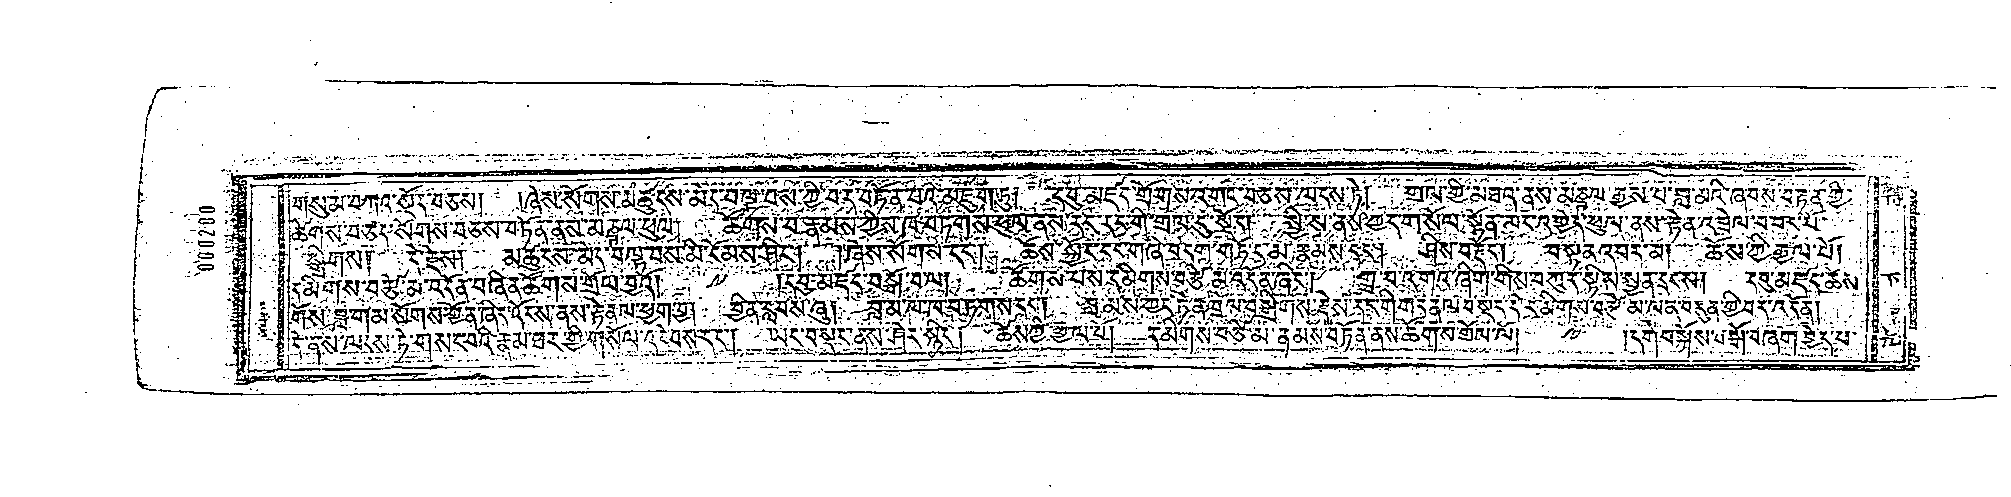གསུམ་བཀའ་སྡོད་བཅས། །ཞེས་སོགས་མཚུངས་མེད་བལྟ་བས་ཀྱི་བར་བཏོན་པའི་མཇུག་ཏུ། དབུ་མཛད་གྲོགས་འགའ་བཅས་ལངས་ཏེ། གྲལ་གྱི་མཐའ་ནས་མཎྚལ་རྒྱས་པ་བླ་མའི་ཞབས་བརྟན་གྱི་
ཚིགས་བཅད་སོགས་བཅས་བཏོན་ནས་མཎྚལ་ཕུལ། ཚོགས་པ་རྣམས་ཀྱིས་ཁ་བཏགས་ཕུལ་ནས་རང་རང་གི་གྲལ་དུ་སྡོང་། སྤྱིས་ནས་ཀྱང་གསོལ་སྟོན་མང་འགྱེད་ཕུལ་ནས་རྟེན་འབྲེལ་བཟང་པོ་
སྒྲིགས། དེ་རྗེས། མཚུངས་མེད་བལྟ་བས་མི་དོམས་ཤིང་། །ཞེས་སོགས་དང་། ཆོས་སྐྱོང་དང་གཞི་བདག་གཏོར་མ་རྣམས་དང་། ཤིས་བརྗོད། བསྟན་འབར་མ། ཆོས་ཀྱི་རྒྱལ་པོ།
དམིགས་བརྩེ་མ་འདོན་བཞིན་ཚོགས་གྲོལ་བྱའོ་༧་།དབུ་མཛད་བསྒོ་བ་ལ། ཚོགས་པས་དམིགས་བརྩེ་མ་འདོན་ཞིང་། གྲྭ་བ་འགའ་ཞིག་གིས་བཀུར་སྟིས་སྤྱན་དྲངས། དབུ་མཛད་ཆོས་
གོས་ཟླ་གམ་སོགས་གྱོན་ཞིང་འོངས་ནས་རྟེན་ལ་ཕྱག་བྱ། བྱིན་རླབས་ཞུ། བླ་མ་ལ་ཁ་བཏགས་དང་། བླ་མས་ཀྱང་ཏེན་བྲེལ་བསྒྲིགས་རྗེས་རང་གི་གདན་ལ་བསྡད་དེ་དམིགས་བརྩེ་མ་ལན་བདུན་གྱི་བར་འདོན།
དེ་ནས་ལངས་ཏེ་གསང་བའི་རྣམ་ཐར་གྱི་གསོལ་འདེབས་དང་། ཡང་བསྡང་ནས་ཤེར་སྙིང་། ཆོས་ཀྱི་རྒྱལ་པོ། དམིགས་བཙེ་མ་ནམས་བཏོན་ནས་ཚོགས་གྲོལ་ལོ། ༧་།དགེ་བསྐོས་བསྒོ་བཞག་བྱེད་པ་